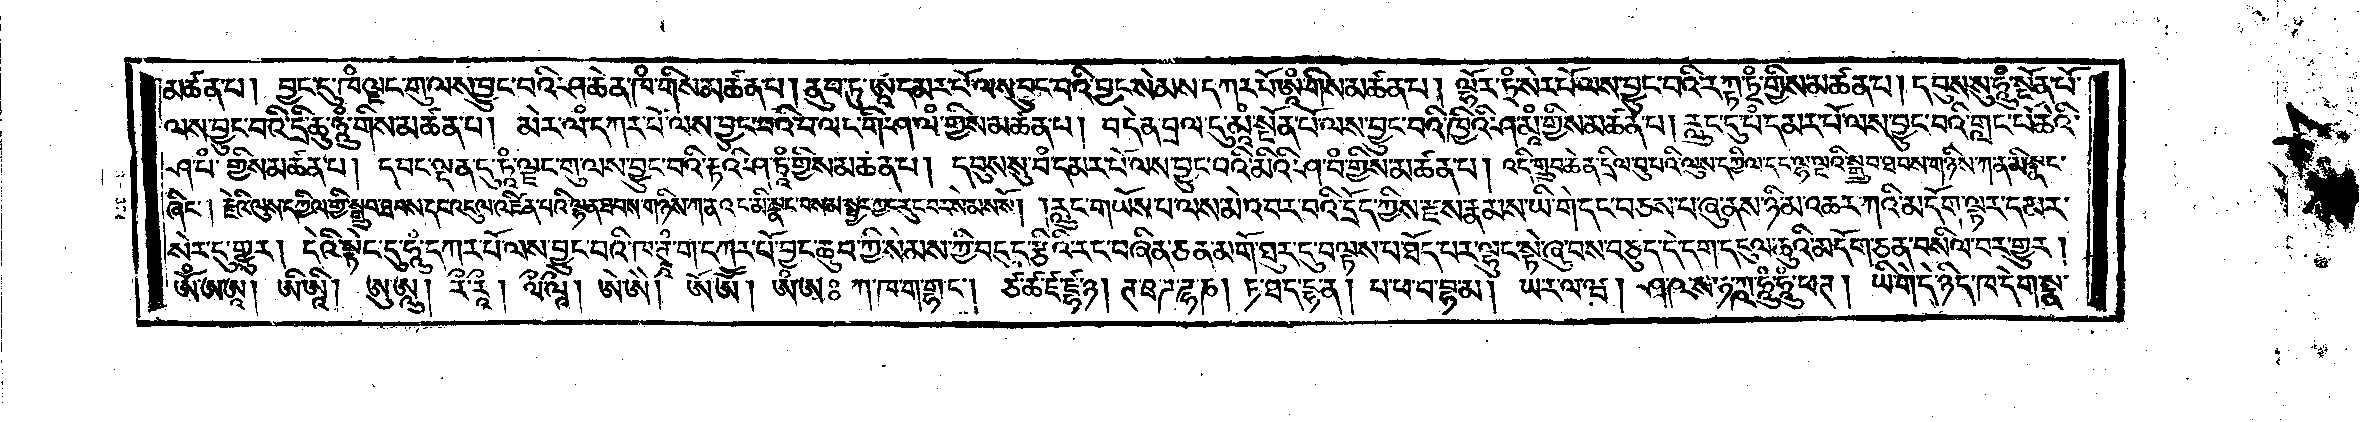མཚན་པ། བྱང་དུ་ཁཾ་ལྗང་གུ་ལས་བྱུང་བའི་ཤ་ཆེན་ཁཾ་གིས་མཚན་པ། ནུབ་ཏུ་ཨཱ་དམར་པོ་ལས་བྱུང་བའི་བྱངས་སེམས་དཀར་པོ་ཨཱཾ་གིས་མཚན་པ། ལྷོར་ཏྲཾ་སེར་པོ་ལས་བྱུང་བའི་རཀྟ་ཏྲཾ་གྱིས་མཚན་པ། དབུས་སུ་ཧཱུཾ་སྔོན་པོ་
ལས་བྱུང་བའི་དྲི་ཆུ་ཧཱུཾ་གིས་མཚན་པ། མེར་ལཾ་དཀར་པོ་ལས་བྱུང་བའི་བ་ལང་གི་ཤ་ལཾ་གྱིས་མཚན་པ། བདེན་བྲལ་དུ་མའཾ་སྔོན་པོ་ལས་བྱུང་བའི་ཁྱིའི་ཤ་མའཾ་གྱིས་མཚན་པ། རླུང་དུ་པཾ་དམར་པོ་ལས་བྱུང་བའི་གླང་པོ་ཆེའི་
ཤ་པཾ་གྱིས་མཚན་པ། དབང་ལྡན་དུ་ཏཱཾ་ལྗང་གུ་ལས་བྱུང་བའི་རྟའི་ཤ་ཏཱཾ་གྱིས་མཚན་པ། དབུས་སུ་པཾ་དམར་པོ་ལས་བྱུང་བའི་མིའི་ཤ་བཾ་གྱིས་མཚན་པ། འདི་གྲུབ་ཆེན་དྲིལ་བུ་པའི་ལུས་དཀྱིལ་དང་ལྷ་ལྔའི་སྒྲུབ་ཐབས་གཉིས་ཀ་ན་མི་སྣང་
ཞིང་། རྗེའི་ལུས་དཀྱིལ་གྱི་སྒྲུབ་ཐབས་དང་འདུལ་འཛིན་པའི་ལྷན་ཐབས་གཉིས་ཀ་ནའང་མི་སྣང་བསམ་སྦྱར་ཀྱང་རུང་བར་སེམས་སོ། །རླུང་གཡོས་པ་ལས་མེ་འབར་བའི་དྲོད་ཀྱིས་རྫས་རྣམས་ཡི་གེ་དང་བཅས་པ་ཞུ་ནས་ཉི་མ་འཆར་ཀའི་མདོག་ལྟར་དམར་
སེར་དུ་གྱུར། དེའི་སྟེང་དུ་ཧཱུཾ་དཀར་པོ་ལས་བྱུང་བའི་ཁ་ཊྭཱཾ་ག་དཀར་པོ་བྱང་ཆུབ་ཀྱི་སེམས་ཀྱི་བདུད་རྩིའི་རང་བཞིན་ཅན་མགོ་ཐུར་དུ་བལྟས་པ་ཐོད་པར་ལྷུང་སྟེ་ཞུ་བས་བཅུད་དེ་དག་དངུལ་ཆུའི་མདོག་ཅན་བསིལ་བར་གྱུར།
ཨོཾ་ཨ་ཨཱ། ཨི་ཨཱི། ཨུ་ཨཱུ། རྀ་རཱྀ། ལི་ལཱྀ། ཨེ་ཨཻ། ཨོ་ཨཽ། ཨཾ་ཨཱཿ ཀ་ཁ་ག་གྷ་ང་། ཙ་ཚ་ཛ་ཛྷ་ཉ། ཊ་ཊཿཨ་ཌ་ཌྷ་ཎ། ཏ་ཐ་ད་དྷ་ན། པ་ཕ་བ་བྷ་མ། ཡ་ར་ལ་ཝ། ཤ་ཥ་ས་ཧ་ཀྵ་ཧཱུཾ་ཧཱུཾ་ཕཊ། ཡི་གེ་དེ་ཉིད་ཁ་དེག་སྣ་